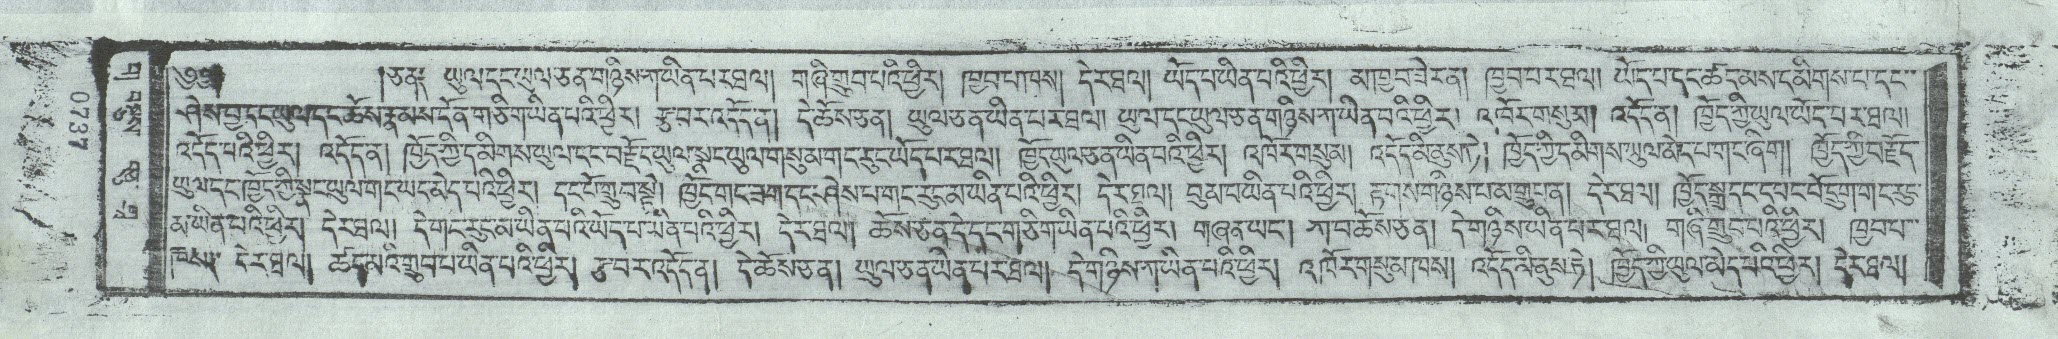༄༅། །ཅན༑ ཡུལ་དང་ཡུལ་ཅན་གཉིས་ཀ་ཡིན་པར་ཐལ། གཞི་གྲུབ་པའི་ཕྱིར། ཁྱབ་པ་ཁས། དེར་ཐལ། ཡོད་པ་ཡིན་པའི་ཕྱིར། མ་ཁྱབ་ཟེར་ན། ཁྱབ་པར་ཐལ། ཡོད་པ་དང་ཚད་མས་དམིགས་པ་དང་
ཤེས་བྱ་དང་ཡུལ་དང་ཆོས་རྣམས་དོན་གཅིག་ཡིན་པའི་ཕྱིར། རྩ་བར་འདོད་ན། དེ་ཆོས་ཅན། ཡུལ་ཅན་ཡིན་པར་ཐལ། ཡུལ་དང་ཡུལ་ཅན་གཉིས་ཀ་ཡིན་པའི་ཕྱིར། འཁོར་གསུམ། འདོད་ན། ཁྱོད་ཀྱི་ཡུལ་ཡོད་པར་ཐལ།
འདོད་པའི་ཕྱིར། འདོད་ན། ཁྱོད་ཀྱི་དམིགས་ཡུལ་དང་བརྗོད་ཡུལ་སྣང་ཡུལ་གསུམ་གང་རུང་ཡོད་པར་ཐལ། ཁྱོད་ཡུལ་ཅན་ཡིན་པའི་ཕྱིར། འཁོར་གསུམ། འདོད་མི་ནུས་ཏེ། ཁྱོད་ཀྱི་དམིགས་ཡུལ་མེད་པ་གང་ཞིག། ཁྱོད་ཀྱི་བརྗོད་
ཡུལ་དང་ཁྱོད་ཀྱི་སྣང་ཡུལ་གང་ཡང་མེད་པའི་ཕྱིར། དང་པོ་གྲུབ་སྟེ། ཁྱོད་གང་ཟག་དང་ཤེས་པ་གང་རུང་མ་ཡིན་པའི་ཕྱིར། དེར་ཐལ། བུམ་པ་ཡིན་པའི་ཕྱིར། རྟགས་གཉིས་པ་མ་གྲུབ་ན། དེར་ཐལ། ཁྱོད་སྒྲ་དང་དབང་པོ་དྲུག་གང་རུང་
མ་ཡིན་པའི་ཕྱིར། དེར་ཐལ། དེ་གང་རུང་མ་ཡིན་པའི་ཡོད་པ་ཡིན་པའི་ཕྱིར། དེར་ཐལ། ཆོས་ཅན་དེ་དང་གཅིག་ཡིན་པའི་ཕྱིར། གཞན་ཡང་། ཀ་བ་ཆོས་ཅན། དེ་གཉིས་ཡིན་པར་ཐལ། གཞི་གྲུབ་པའི་ཕྱིར། ཁྱབ་པ་
ཁས༑ དེར་ཐལ། ཚད་མའི་གྲུབ་པ་ཡིན་པའི་ཕྱིར། རྩ་བར་འདོད་ན། དེ་ཆོས་ཅན། ཡུལ་ཅན་ཡིན་པར་ཐལ། དེ་གཉིས་ཀ་ཡིན་པའི་ཕྱིར། འཁོར་གསུམ་ཁས། འདོད་མི་ནུས་ཏེ། ཁྱོད་ཀྱི་ཡུལ་མེད་པའི་ཕྱིར། དེར་ཐལ།